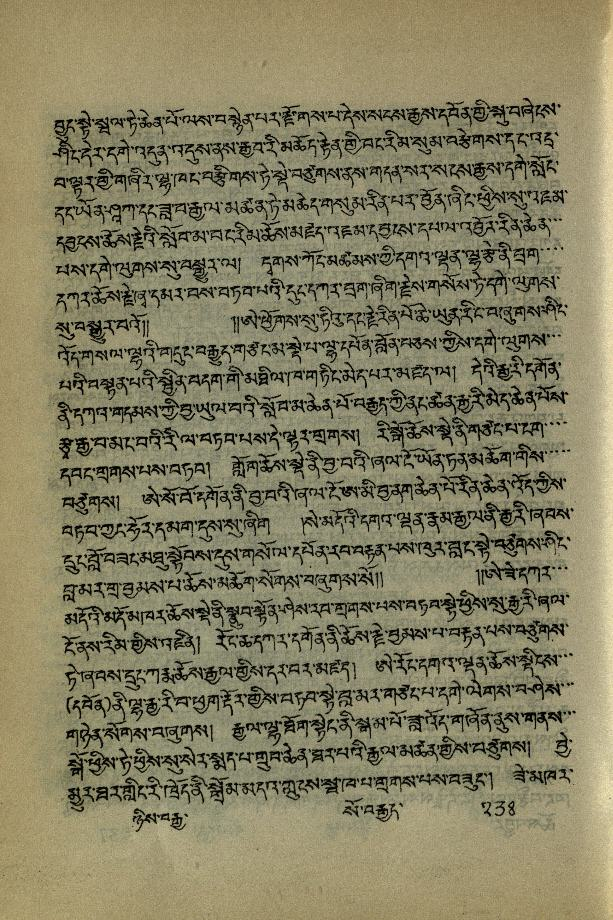བྱུང་སྟེ་སྦལ་ཏེ་ཆེན་པོ་ལས་བསྙེན་པར་རྫོགས་པ་དེས་སངས་རྒྱས་དབོན་གྱི་སྐུ་བཞེངས་
ཤིང་དེར་དགེ་འདུན་འདུས་ནས་རྒྱབ་རི་མཆོད་རྟེན་གྱི་བང་རིམ་སུམ་བརྩེགས་དང་འདྲ་
བ་ལྟར་གྱི་གཞིར་ལྷ་ཁང་བརྩིགས་ཏེ་སྡེ་བཙུགས་ནས་གདན་སར་སངས་རྒྱས་དགེ་སློང་
དང་ཡོན་ཤཱཀ་དང་ཟླ་བ་རྒྱལ་མཚན་ཏེ་མཆེད་གསུམ་རིན་པར་བྱོན་ཞིང་ཕྱིས་སུ་འཇམ་
དབྱངས་ཆོས་རྗེའི་སློབ་མ་བང་རིམ་ཆོས་མཛད་འཇམ་དབྱངས་དཔལ་འབྱོར་རིན་ཆེན་
པས་དགེ་ལུགས་སུ་བསྒྱུར་ལ། དྭགས་ཀོང་མཚམས་ཀྱི་དགའ་ལྡན་ལྷ་རྩེ་ནི་བྲག་
དཀར་ཆོས་རྗེ་ཞྭ་དམར་བས་བཏབ་པའི་དུང་དཀར་བྲག་ཞིག་རྗེས་གསོས་ཏེ་དགེ་ལུགས་
སུ་བསྒྱུར་བའོ།། །།ཨེ་ཕྱོགས་སུ་ཏིའུ་དང་རྗེ་རིན་པོ་ཆེ་ཡུན་རིང་བཞུགས་ཤིང་
འོད་གསལ་ལྷའི་གདུང་བརྒྱུད་གཙང་མ་སྡེ་པ་ལྷ་དཔོན་བློན་བཅས་ཀྱིས་དགེ་ལུགས་
པའི་བསྟན་པའི་སྦྱིན་བདག་གི་མཐིལ་ཁ་གཏིང་མེད་པར་མཛད་ལ། དེའི་རྒྱ་རི་དགོན་
ནི་དཀའ་གདམས་ཀྱི་བྱ་ཡུལ་བའི་སློབ་མ་ཆེན་པོ་བརྒྱད་ཀྱི་ནང་ཚན་རྒྱ་རི་མེད་ཆེན་པོས་
རྩྭ་རྒྱ་བ་མང་བའི་རི་ལ་བཏབ་པས་དེ་ལྟར་གྲགས། རི་སྒོ་ཆོས་སྡེ་ནི་གཙང་པ་ངག་
དབང་གྲགས་པས་བཏབ། གློག་ཆོས་སྡེ་ནི་བྱ་བའི་ཞལ་ངོ་ཡོན་ཏན་མཆོག་གིས་
བཙུགས། ཨེ་སོ་བོ་དགོན་ནི་བྱ་བའི་ཞལ་ངོ་ཨ་མི་བྱ་ནག་ཆེན་པོ་རིན་ཆེན་འོད་ཀྱིས་
བཏབ་ཀྱང་ཧོར་དམག་དུས་སུ་ཞིག །སེ་མདོའི་དགའ་ལྡན་རྣམ་རྒྱལ་ནི་རྒྱ་རི་ཞབས་
དྲུང་བློ་བཟང་མཐུ་སྟོབས་དུས་གསོལ་དཔོན་རབ་བརྟན་པས་ཁུར་བླང་སྟེ་བཙུགས་ཤིང་
བླ་མར་གྲ་བྱམས་པ་ཆོས་མཆོག་སོགས་བཞུགས་སོ།། །།ཨེ་ཟེ་དཀར་
མདོའི་མདོ་མཁར་ཆོས་སྡེ་ནི་སྣུབ་སྟོན་ཤེས་རབ་གྲགས་པས་བཏབ་སྟེ་ཕྱིས་སུ་རྒྱ་རི་ཞལ་
ངོ་ནས་རིམ་གྱིས་འཛིན། རོང་ཆ་དཀར་དགོན་ནི་ཆོས་རྗེ་བྱམས་པ་བརྟན་པས་བཙུགས་
ཏེ་ཞབས་དྲུང་ཀརྨ་ཆོས་རྒྱལ་གྱིས་དར་བར་མཛད། ཨེ་རོང་དགའ་ལྡན་ཆོས་སྡིངས་
དབོན་ནི་ལྷ་རྒྱ་རི་བ་ཕྱག་རྡོར་གྱིས་བཏབ་སྟེ་བླ་མར་གཙང་པ་དགེ་ལེགས་བཤེས་
གཉེན་སོགས་བཞུགས། རྒྱལ་ལྷ་ཐོག་སྟེང་ནི་སྒམ་པོ་ཟླ་འོད་གཞོན་ནུས་གནས་
སྒོ་ཕྱིས་ཏེ་ཕྱིས་སུ་སེར་སྨད་པ་གྲུབ་ཆེན་ཐར་པའི་རྒྱལ་མཚན་གྱིས་བཙུགས། བྱེ་
མྱུར་ཐར་གླིང་རི་ཁྲོད་ནི་སྒྲོམ་མདའ་ཀླུངས་སྦ་ཁ་པ་གྲགས་པས་བཟུང་། ཟེ་མཁར་